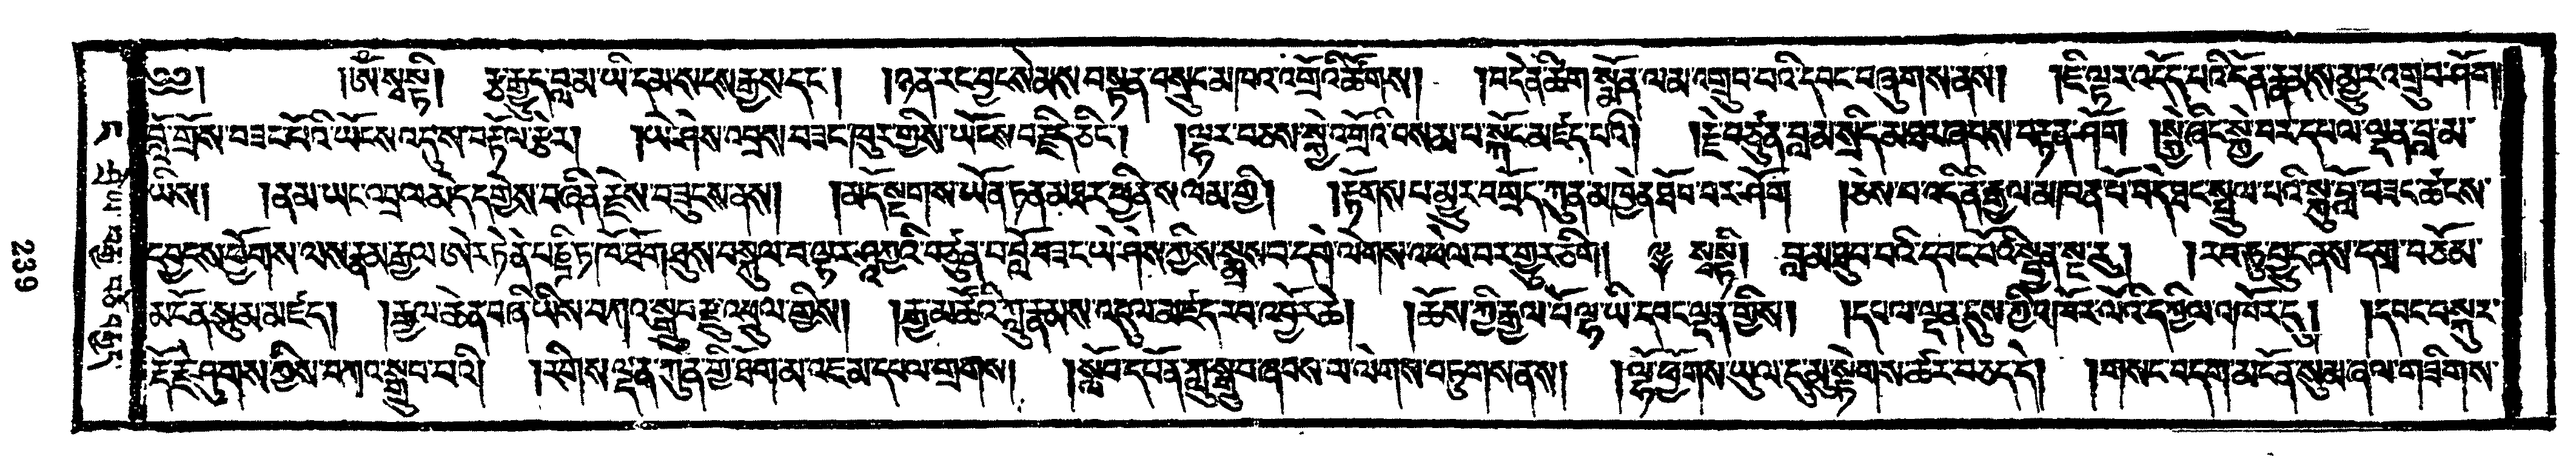༄༅། །ཨོཾ་སྭསྟི། རྩ་རྒྱུད་བླ་མ་ཡི་དམ་སངས་རྒྱས་དང་། །ཉན་རང་བྱང་སེམས་བསྟན་བསྲུང་མཁའ་འགྲོའི་ཚོགས། །བདེན་ཚིག་སྨོན་ལམ་འགྲུབ་བའི་དབང་བཞུགས་ནས། །ཇི་ལྟར་འདོད་པའི་དོན་རྣམས་མྱུར་འགྲུབ་ཤོག །
བློ་གྲོས་བཟང་པོའི་ཡོངས་འདུ་ས་བརྟོལ་རྩེར། །ཡེ་ཤེས་འབྲས་བཟང་ཁུར་གྱིས་ཡོངས་བརྗིད་ཅིང་། །ལྷར་བཅས་སྐྱེ་འགྲོའི་བསམ་པ་སྐོང་མཛད་པའི། །རྗེ་བཙུན་བླ་མ་སྲིད་མཐར་ཞབས་བརྟན་ཤོག །སྐྱེ་ཞིང་སྐྱེ་བར་དཔལ་ལྡན་བླ་མ་
ཡིས། །ནམ་ཡང་འབྲལ་མེད་དགྱེས་བཞིན་རྗེས་བཟུངས་ནས། །མདོ་སྔགས་ཡོན་ཏན་མཐར་ཕྱིན་ས་ལམ་གྱི། །རྟོགས་པ་མྱུར་བགྲོད་ཀུན་མཁྱེན་ཐོབ་བར་ཤོག །ཅེས་པ་འདི་ནི་རྒྱལ་མཁན་པོ་བདེ་ཐང་སྤྲུལ་པའི་སྐུ་བློ་བཟང་ཚངས་
དབྱངས་ཕྱོགས་ལས་རྣམ་རྒྱལ་ཨེར་ཏེ་ནེ་པཎྜི་ཏ་ཁ་ཐོག་ཐུས་བསྐུལ་བ་ལྟར་ཤྰྐྱའི་བཙུན་པ་བཟློ་བཟང་ཡེ་ཤེས་ཀྱིས་སྨྲས་བ་དགེ་ལེག་འཕེལ་བར་གྱུར་ཅིག། ༈ སྭྶྟི། བླ་མ་ཐུབ་བའི་དབང་པོའི་སྦྱན་སྔ་རུ། །རབ་ཏུ་བྱུང་ནས་དགྲ་བཅོམ་
མངོན་སུམ་མཛད། །རྒྱལ་ཆེན་བཞི་ཡིས་བཀའ་སྒྲུབ་རྫུ་འཕྲུལ་གྱིས། །རྒྱ་མཚོའི་ཀླུ་རྣམས་འདུལ་མཛད་རབ་འབྱོར་ཆེ། །ཆོས་ཀྱི་རྒྱལ་པོ་ལྷ་ཡི་དབང་ལྡན་གྱིས། །དཔལ་ལྡན་དུས་ཀྱི་འཁོར་ལོའི་དཀྱིལ་འཁོར་དུ། །དབང་བསྐུར་
རྡོ་རྗེ་ཤུགས་ཀྱིས་བཀའ་སྒྲུབ་པའི། །རིགས་ལྡན་ཀུན་གྱི་ཐོག་མ་འཇམ་དཔལ་གྲགས། །སློབ་དཔོན་ཀླུ་སྒྲུབ་ཞབས་ལ་ལེགས་བཏུགས་ནས། །ལྷོ་ཕྱོགས་ཡུལ་དུ་མ་སྟེགས་ཚར་བཅད་དེ། །གསང་བདག་མངོན་སུམ་ཞལ་གཟིགས་